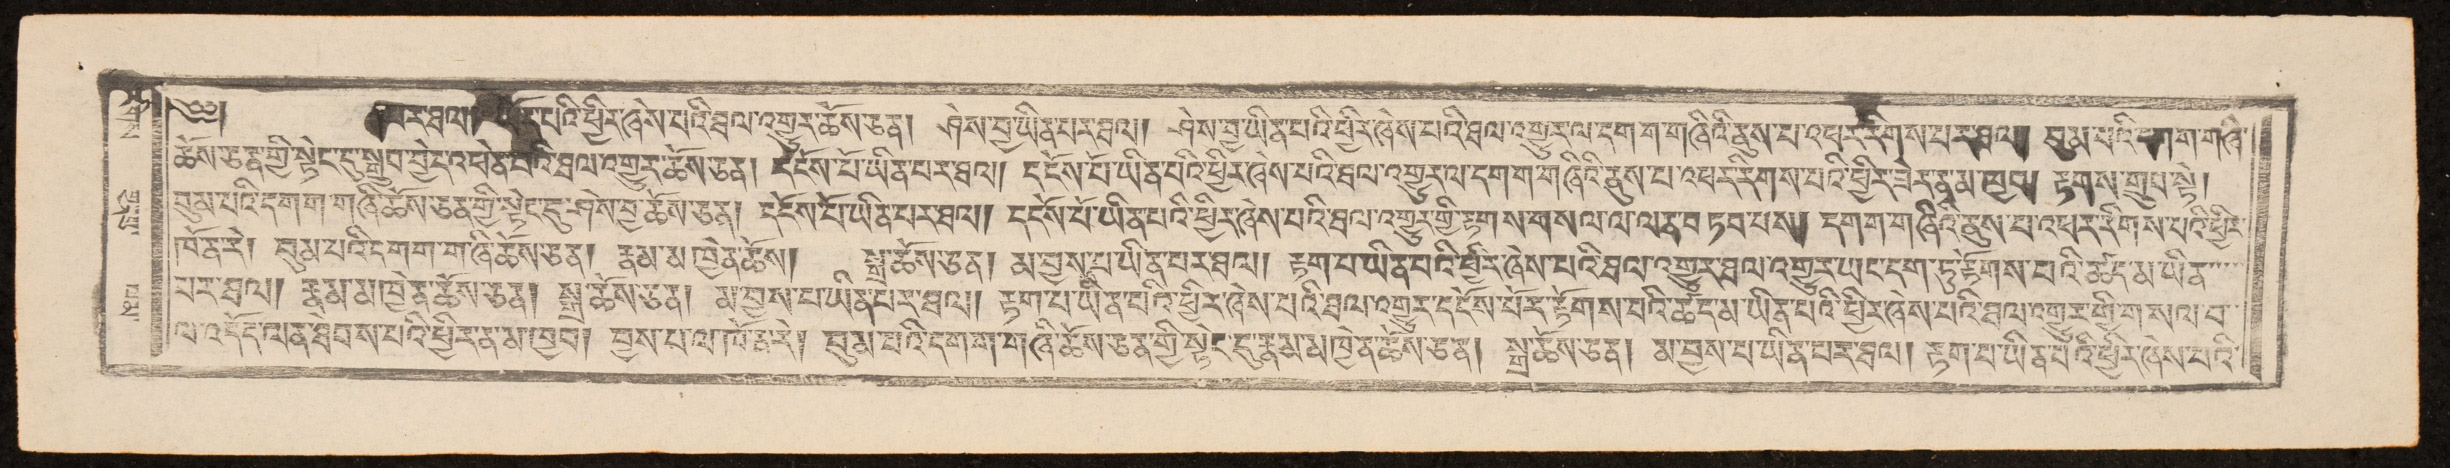༄༅། །པར་ཐལ། ཡོད་པའི་ཕྱིར་ཞེས་པའི་ཐལ་འགྱུར་ཆོས་ཅན། ཤེས་བྱ་ཡིན་པར་ཐལ། ཤེས་བྱ་ཡིན་པའི་ཕྱིར་ཞེས་པའི་ཐལ་འགྱུར་ལ་དགག་གཞིའི་ནུས་པ་འཕར་རིགས་པར་ཐལ། བུམ་པའི་དགག་གཞི་
ཆོས་ཅན་གྱི་སྟེང་དུ་སྒྲུབ་བྱེད་འཕེན་པའི་ཐལ་འགྱུར་ཆོས་ཅན། དངོས་པོ་ཡིན་པར་ཐལ། དངོས་པོ་ཡིན་པའི་ཕྱིར་ཞེས་པའི་ཐལ་འགྱུར་ལ་དགག་གཞིའི་ནུས་པ་འཕང་རིགས་པའི་ཕྱིར་ཟེར་ན་མ་ཁྱབ། རྟགས་གྲུབ་སྟེ།
བུམ་པའི་དགག་གཞི་ཆོས་ཅན་གྱི་སྟེང་དུ་ཤེས་བྱ་ཆོས་ཅན། དངོས་པོ་ཡིན་པར་ཐལ། དངོས་པོ་ཡིན་པའི་ཕྱིར་ཞེས་པའི་ཐལ་འགྱུར་གྱི་རྟགས་གསལ་ལ་ལན་བཏབ་པས། དགག་གཞིའི་ནུས་པ་འཕར་རིགས་པའི་ཕྱིར།
ཁོ་ན་རེ། བུམ་པའི་དགག་གཞི་ཆོས་ཅན། རྣམ་མཁྱེན་ཆོས་ཅན། སྒྲ་ཆོས་ཅན། མ་བྱས་པ་ཡིན་པར་ཐལ། རྟག་པ་ཡིན་པའི་ཕྱིར་ཞེས་པའི་ཐལ་འགྱུར་ཐལ་འགྱུར་ཡང་དག་ཏུ་རྟོགས་པའི་ཚད་མ་ཡིན་
པར་ཐལ། རྣམ་མཁྱེན་ཆོས་ཅན། སྒྲ་ཆོས་ཅན། མ་བྱས་པ་ཡིན་པར་ཐལ། རྟག་པ་ཡིན་པའི་ཕྱིར་ཞེས་པའི་ཐལ་འགྱུར་དངོས་པོར་རྟོགས་པའི་ཚད་མ་ཡིན་པའི་ཕྱིར་ཞེས་པའི་ཐལ་འགྱུར་གྱི་གསལ་བ་
ལ་འདོད་ལན་ཐེབས་པའི་ཕྱིར་ན་མ་ཁྱབ། བྱས་པ་ལ་ཁོ་ན་རེ། བུམ་པའི་དགག་གཞི་ཆོས་ཅན་གྱི་སྟེང་དུ་རྣམ་མཁྱེན་ཆོས་ཅན། སྒྲ་ཆོས་ཅན། མ་བྱས་པ་ཡིན་པར་ཐལ། རྟག་པ་ཡིན་པའི་ཕྱིར་ཞེས་པའི་